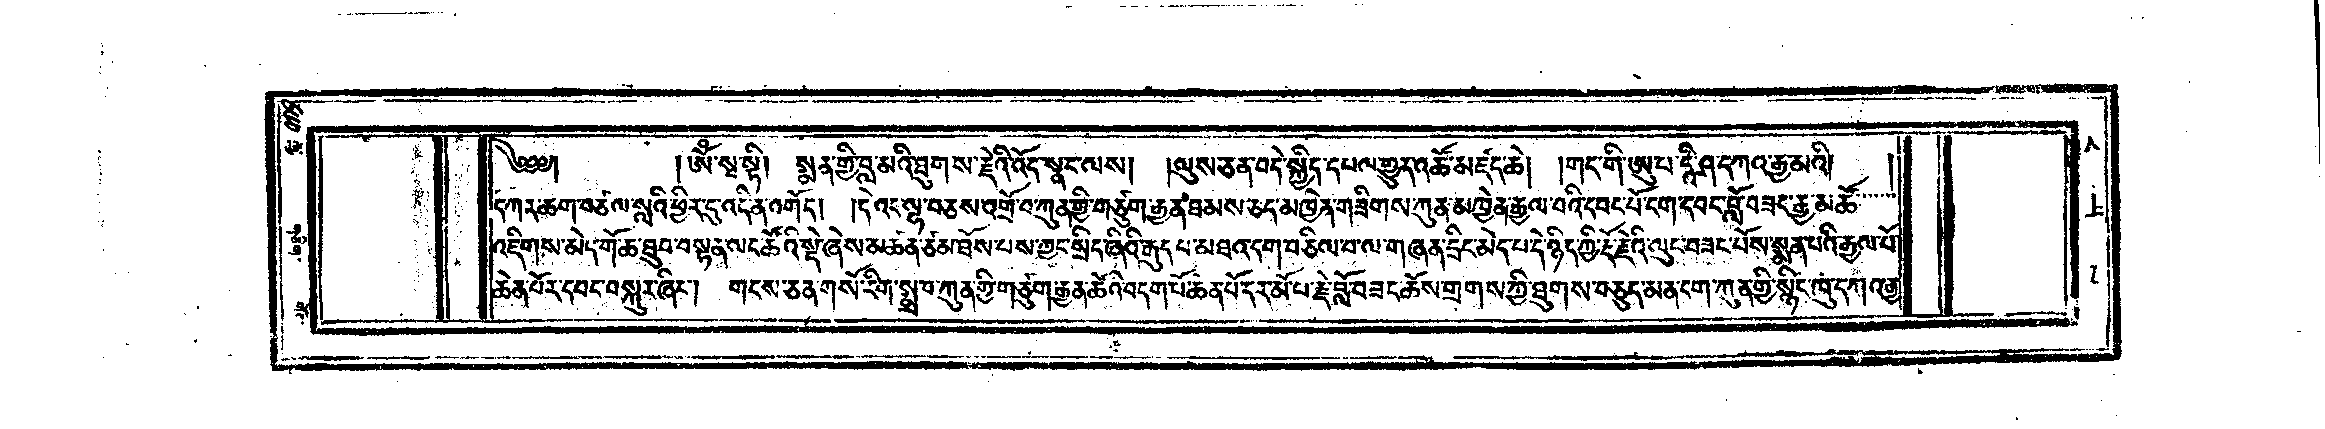༄༅༅། །ཨོཾ་སྭ་སྟི། སྨན་གྱི་བླ་མའི་ཐུགས་རྗེའི་འོད་སྣང་ལས། །ལུས་ཅན་བདེ་སྐྱིད་དཔལ་གྱུར་འཚོ་མཛད་ཆེ། །གང་གི་ཨུ་པ་དཱི་ཤ་དཀའ་རྒྱ་མའི། །
དཀར་ཆག་བཙལ་སླའི་ཕྱིར་དུ་འདི་ན་འགོད། །དེའང་ལྷ་བཅས་འགྲོ་བ་ཀུན་གྱི་གཙུག་རྒྱན་ཐམས་ཅད་མཁྱེན་གཟིགས་ཀུན་མཁྱེན་རྒྱལ་བའི་དབང་པོ་ངག་དབང་བློ་བཟང་རྒྱ་མཚོ་
འཇིགས་མེད་གོ་ཆ་ཐུབ་བསྟན་ལང་ཚོའི་སྡེ་ཞེས་མཚན་ཙམ་ཐོས་པས་ཀྱང་སྲིད་ཞིའི་རྒུད་པ་མཐའ་དག་བཅིལ་བ་ལ་གཞན་དྲིང་མེད་པ་དེ་ཉིད་ཀྱི་རྡོ་རྗེའི་ལུང་བཟང་པོས་སྨན་པའི་རྒྱལ་པོ་
ཆེན་པོར་དབང་བསྐུར་ཞིང་། གངས་ཅན་གསོ་རིག་སྨྲ་བ་ཀུན་གྱི་གཙུག་རྒྱན་ཚོའི?་བདག་པོ་ཆེན་པོ་དར་མོ་པ་རྗེ་བློ་བཟང་ཆོས་གྲགས་ཀྱི་ཐུགས་བཅུད་མན་ངག་ཀུན་གྱི་སྙིང་ཁུ་དཀའ་རྒྱ་